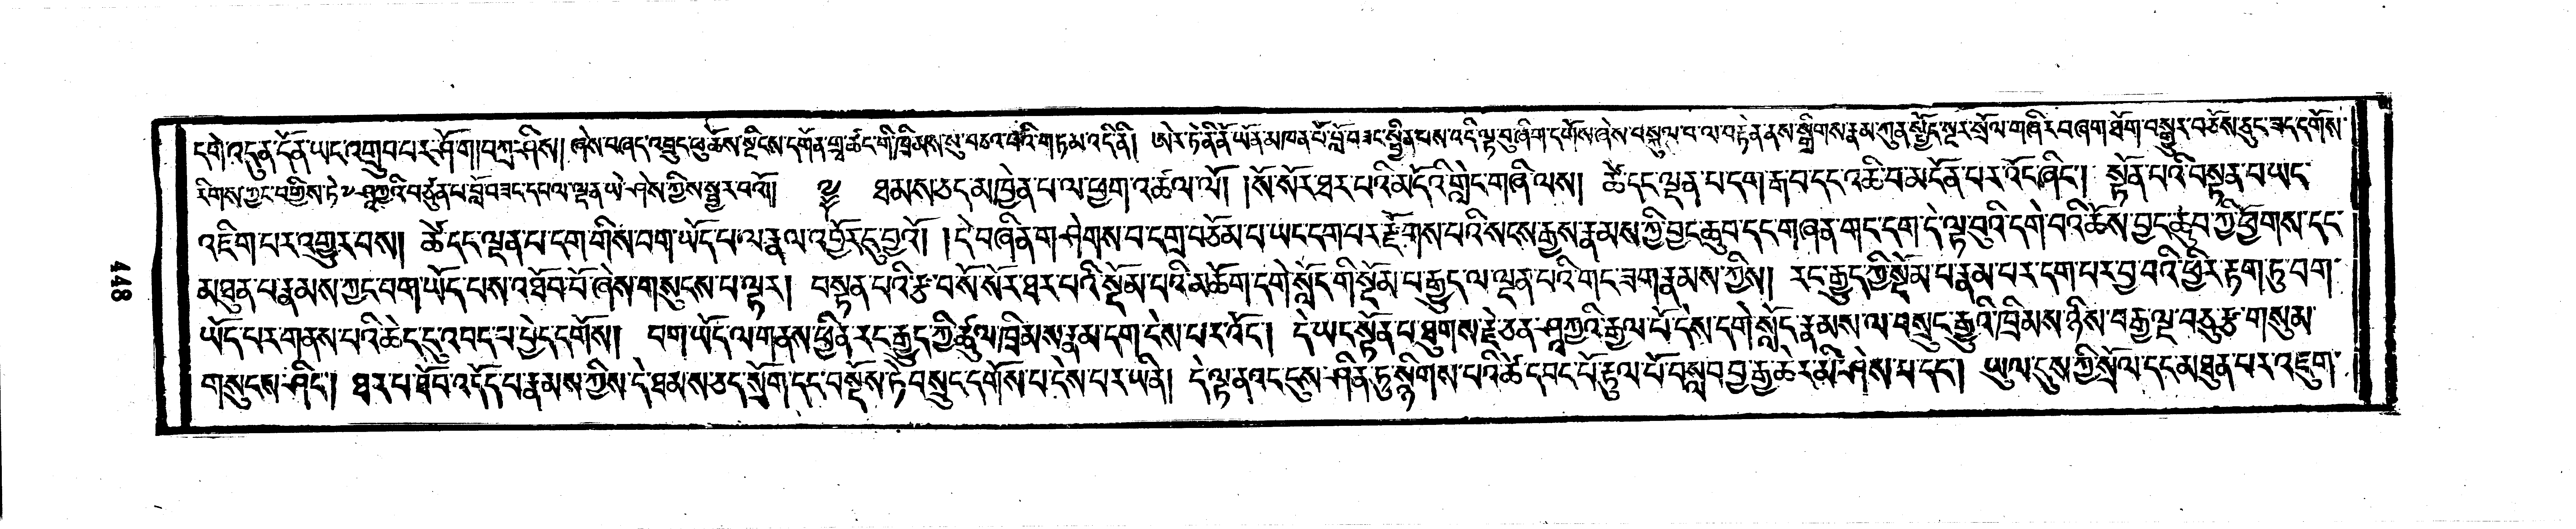དགེ་འདུན་དོན་ཡང་འགྲུབ་པར་ཤོག །བཀྲ་ཤིས། ཞེས་བཞད་འབྲུད་ཕུ་ཆོས་སྡིངས་དགོན་གྲྭ་ཚང་གི་ཁྲིམས་སུ་བཅའ་བའི་གཏམ་འདི་ནི། ཨེར་ཏེ་ནི་ནོ་ཡོན་མཁན་པོ་བློ་བཟང་སྦྱིན་པས་འདི་ལྟ་བུ་ཞིག་དགོས་ཞེས་བསྐུལ་བ་ལ་བརྟེན་ནས་སྒྲིགས་རྣམས་ཀུན་སྤྱོད་སྔར་སྲོལ་གཞིར་བཞག་ཐོག་བསྒྱུར་བཅོས་ཅུང་ཟད་དགོས་
རིགས་ཀྱང་བགྱིས་ཏེ་༧་ཤཱཀྱའི་བཙུན་པ་བློ་བཟང་དཔལ་ལྡན་ཡེ་ཤེས་ཀྱིས་སྦྱར་བའོ།། ༈ ཐམས་ཅད་མཁྱེན་པ་ལ་ཕྱག་འཚལ་ལོ། །སོ་སོར་ཐར་པའི་མདོའི་གླེང་གཞི་ལས། ཚེ་དང་ལྡན་པ་དག་རྒ་བ་དང་འཆི་བ་མངོན་པར་འོང་ཞིང་། སྟོན་པའི་བསྟན་པ་ཡང་
འཇིག་པར་འགྱུར་བས། ཚེ་དང་ལྡན་པ་དག་གིས་བག་ཡོད་པ་ལ་རྣལ་འབྱོར་དུ་བྱའོ། །དེ་བཞིན་གཤེགས་པ་དགྲ་བཅོམ་པ་ཡང་དག་པར་རྫོགས་པའི་སངས་རྒྱས་རྣམས་ཀྱི་བྱང་ཆུབ་དང་གཞན་གང་དག་དེ་ལྟ་བུའི་དགེ་བའི་ཆོས་བྱང་ཆུབ་ཀྱི་ཕྱོགས་དང་
མཐུན་པ་རྣམས་ཀྱང་བག་ཡོད་པས་འཐོབ་བོ་ཞེས་གསུངས་པ་ལྟར། བསྟན་པའི་རྩ་བ་སོ་སོར་ཐར་པའི་སྡོམ་པའི་མཆོག་དགེ་སློང་གི་སྡོམ་པ་རྒྱུད་ལ་ལྡན་པའི་གང་ཟག་རྣམས་ཀྱིས། རང་རྒྱུད་ཀྱི་སྡོམ་པ་རྣམ་པར་དག་པར་བྱ་བའི་ཕྱིར་རྟག་ཏུ་བག་
ཡོད་པར་གནས་པའི་ཆེད་དུ་འབད་པ་བྱེད་དགོས། བག་ཡོད་ལ་གནས་ཕྱིན་རང་རྒྱུད་ཀྱི་ཚུལ་ཁྲིམས་རྣམ་དག་ངེས་པར་འོང་། དེ་ཡང་སྟོང་པ་ཐུགས་རྗེ་ཅན་ཤཱཀྱའི་རྒྱལ་པོ་དེས་དགེ་སློང་རྣམས་ལ་བསྲུང་རྒྱུའི་ཁྲིམས་ཉིས་བརྒྱ་ལྔ་བཅུ་རྩ་གསུམ་
གསུངས་ཤིང་། ཐར་པ་ཐོབ་འདོད་པ་རྣམས་ཀྱིས་དེ་ཐམས་ཅད་སྲོག་དང་བསྡོས་ཏེ་བསྲུང་དགོས་པ་ངེས་པར་ཡིན། དེ་ལྟ་ནའང་དུས་ཤིན་ཏུ་སྙིགས་པའི་ཚེ་དབང་པོ་རྟུལ་པོ་བསླབ་བྱ་རྒྱ་ཆེར་མི་ཤེས་པ་དང་། ཡུལ་དུས་ཀྱི་སྲོལ་དང་མཐུན་པར་འཇུག་